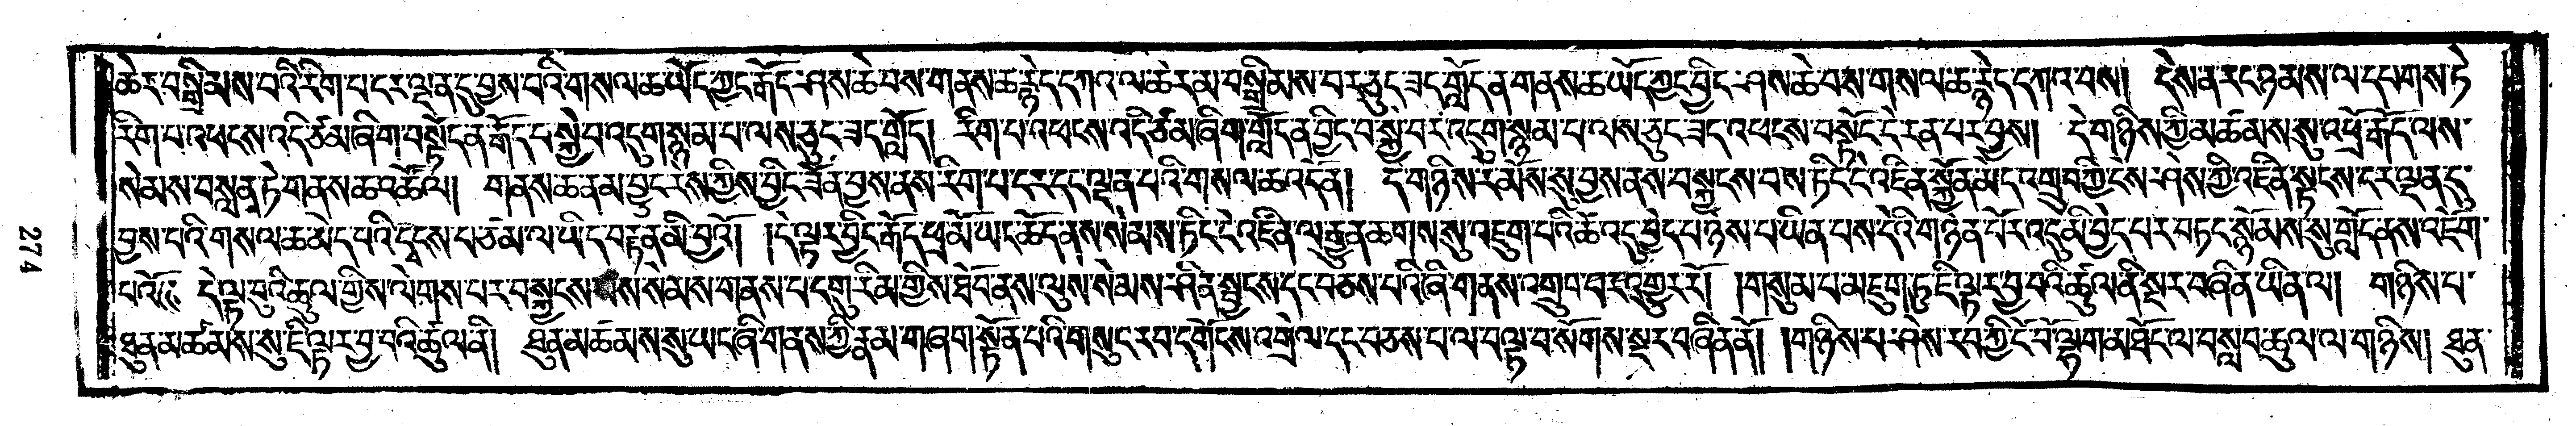ཆེར་བསྒྲིམས་བའི་རིག་པ་ངར་ལྡན་དུ་བྱས་བའི་གསལ་ཆ་ཡོད་ཀྱང་རྒོད་ཤས་ཆེ་བས་གནས་ཆ་རྙེད་དཀའ་ལ་ཆེར་མ་བསྒྲིམས་བར་ཅུང་ཟད་གློད་ན་གནས་ཆ་ཡོད་ཀྱང་བྱིང་ཤས་ཆེ་བས་གསལ་ཆ་རྙེད་དཀའ་བས། དེས་ན་རང་ཉམས་ལ་དཔགས་ཏེ་
རིག་པ་འཕངས་འདི་ཙམ་ཞིག་བསྟོད་ན་རྒོད་བ་སྐྱེ་བ་འདུག་སྙམ་པ་ལས་ཅུང་ཟད་གློད། རིག་པ་འཕངས་འདི་ཙམ་ཞིག་གློད་ན་བྱིང་བ་སྐྱེ་བར་འདུག་སྙམ་པ་ལས་ཅུང་ཟད་འཕངས་བསྟོད་དེ་རན་པར་བྱས། དེ་གཉིས་ཀྱི་མཚམས་སུ་འཕྲོ་རྒོད་ལས་
སེམས་བསླན་ཏེ་གནས་ཆ་འཚོལ། གནས་ཆ་ནམ་བྱུང་རེས་ཀྱིས་བྱིང་ཟོན་བྱས་ནས་རིག་པ་ངར་དང་ལྡན་པའི་གསལ་ཆ་འདོན། དེ་གཉིས་རེ་མོས་སུ་བྱས་ནས་བསྐྱངས་བས་ཏིང་ངེ་འཛིན་སྐྱོན་མེད་འགྲུབ་ཀྱི་ངེས་ཤེས་ཀྱི་འཛིན་སྟངས་ངར་ལྡན་དུ་
བྱས་པའི་གསལ་ཆ་མེད་པའི་དྭངས་པ་ཙམ་ལ་ཡིད་བརྟན་མི་བྱའོ། །དེ་ལྟར་བྱིང་རྒོད་ཕྲ་མོ་ཡང་ཆོད་ནས་སེམས་ཏིང་ངེ་འཛིན་ལ་རྒྱུན་ཆགས་སུ་འཇུག་པའི་ཆོ་འདུ་བྱེད་པ་ཉེས་པ་ཡིན་པས་དེའི་གཉེན་པོར་འདུ་མི་བྱེད་པར་བཏང་སྙོམས་སུ་གློད་ནས་འཇོག་
པའོ༑༑ དེ་ལྟ་བུའི་ཆུལ་གྱིས་ལེགས་པར་བསྐྱངས་བས་སེམས་གནས་པ་དགུ་རིམ་གྱིས་ཐོབ་ནས་ལུས་སེམས་ཤིན་སྦྱངས་དང་བཅས་པའི་ཞི་གནས་འགྲུབ་བར་འགྱུར་རོ། །གསུམ་པ་མཇུག་ཏུ་ཇི་ལྟར་བྱ་བའི་ཚུལ་ནི་སྔར་བཞིན་ཡིན་ལ། གཉིས་པ་
ཐུན་མཚམས་སུ་ཇི་ལྟར་བྱ་བའི་ཚུལ་ནི། ཐུན་མཚམས་སུ་ཡང་ཞི་གནས་ཀྱི་རྣམ་གཞག་སྟོན་པའི་གསུང་རབ་དགོངས་འགྲེལ་དང་བཅས་པ་ལ་བལྟ་བ་སོགས་སྔར་བཞིན་ནོ། །གཉིས་པ་ཤེས་རབ་ཀྱི་ངོ་བོ་ལྷག་མཐོང་ལ་བསླབ་ཆུལ་ལ་གཉིས། ཐུན་